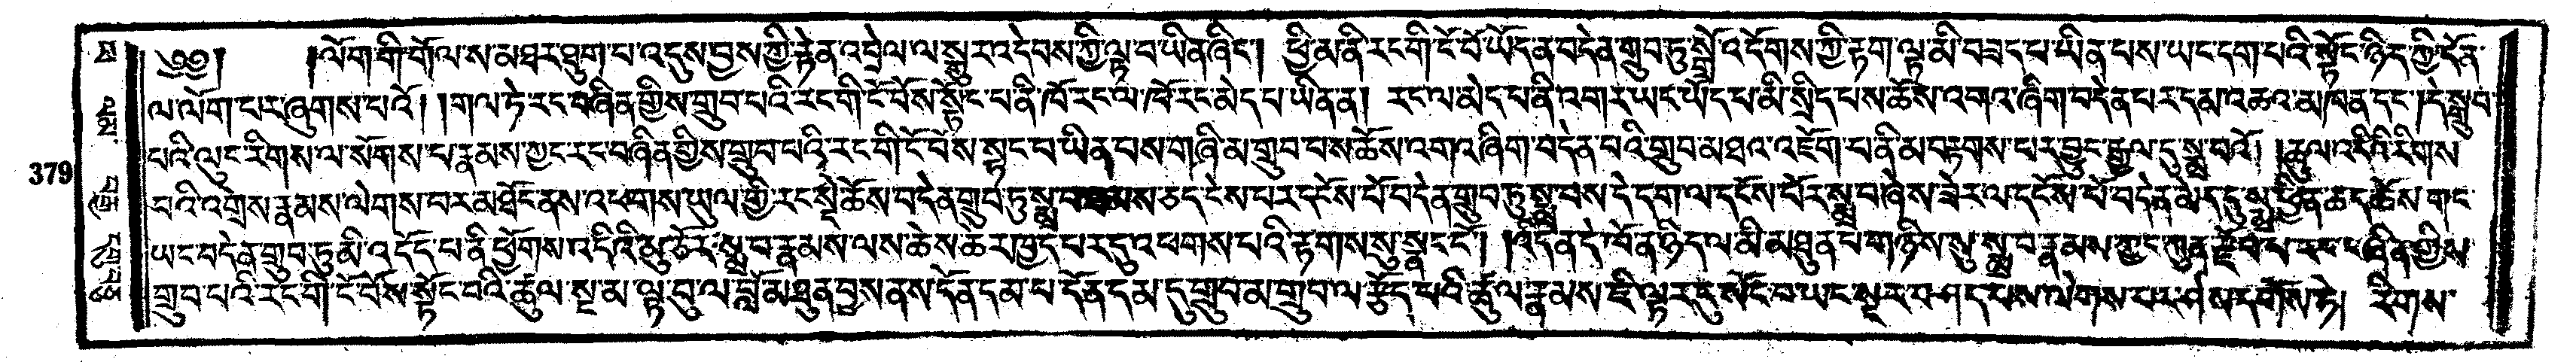༄༅། །ལོག་གི་གོལ་ས་མཐར་ཐུག་པ་འདུས་བྱས་ཀྱི་རྟེན་འབྲེལ་ལ་སྒུར་འདེབས་ཀྱི་ལྟ་བ་ཡིན་ཞིང་། ཕྱི་མ་ནི་རང་གི་ངོ་བོ་ཡོད་ན་བདེན་གྲུབ་ཏུ་སྒྲོ་འདོགས་ཀྱི་རྟག་ལྟ་མི་བཟད་པ་ཡིན་པས་ཡང་དག་པའི་སྟོང་ཉིད་ཀྱི་དོན་
ལ་ལོག་པར་ཞུགས་པའོ། །གལ་ཏེ་རང་བཞིན་གྱིས་གྲུབ་པའི་རང་གི་ངོ་བོས་སྟོང་པ་ནི་ཁོ་རང་ལ་ཁོ་རང་མེད་པ་ཡིན་ན། རང་ལ་མེད་པ་ནི་འགར་ཡང་ཡོད་པ་མི་སྲིད་པས་ཆོས་འགའ་ཞིག་བདེན་པར་དམ་འཆའ་མཁན་དང་། དེ་སྒྲུབ་
པའི་ལུང་རིགས་ལ་སོགས་པ་རྣམས་ཀྱང་རང་བཞིན་གྱིས་གྲུབ་པའི་རང་གི་ངོ་བོས་སྟང་བ་ཡིན་པས་གཞི་མ་གྲུབ་པས་ཆོས་འགའ་ཞིག་བདེན་པའི་གྲུབ་མཐའ་འཇོག་པ་ནི་མ་བརྟགས་པར་བྱུང་རྒྱལ་དུ་སྨྲ་བའོ། །ཆུལ་འདིའི་རིགས་
པའི་འགྲེས་རྣམས་ལེགས་བར་མཐོང་ནས་འཕགས་ཡུལ་གྱི་རང་སྡེ་ཆོས་བདེན་གྲུབ་ཏུ་སྨྲ་བ་ཐམས་ཅད་ངེས་པར་དངོས་པོ་བདེན་གྲུབ་ཏུ་སྨྲ་བས་དེ་དག་ལ་དངོས་པོར་སྨྲ་བ་ཞེས་ཟེར་ལ་དངོས་པོ་བདེན་མེད་དུ་སྨྲ་ཕྱིན་ཆད་ཆོས་གང་
ཡང་བདེན་གྲུབ་ཏུ་མི་འདོད་པ་ནི་ཕྱོགས་འདིའི་མུ་ཅོར་སྨྲ་བ་རྣམས་ལས་ཆེས་ཆར་ཁྱད་པར་དུ་འཕགས་པའི་རྟགས་སུ་སྣང་ངོ། །འདི་ན་དེ་ཁོ་ན་ཉིད་ལ་མི་མཐུན་པ་གཉིས་སུ་སྨྲ་བ་རྣམས་ཀྱང་ཀུན་རྫོབ་པ་རང་བཞིན་གྱིས་
གྲུབ་པའི་རང་གི་ངོ་བོས་སྟོང་བའི་ཚུལ་སྔ་མ་ལྟ་བུ་ལ་བློ་མཐུན་བྱས་ནས་དོན་དམ་པ་དོན་དམ་དུ་གྲུབ་མ་གྲུབ་ལ་རྩོད་པའི་ཚུལ་རྣམས་ཇི་ལྟར་དུ་སོང་བ་ཡང་སྔར་བཤད་པས་ལེགས་པར་ཤེས་དགོས་ཏེ། རིགས་